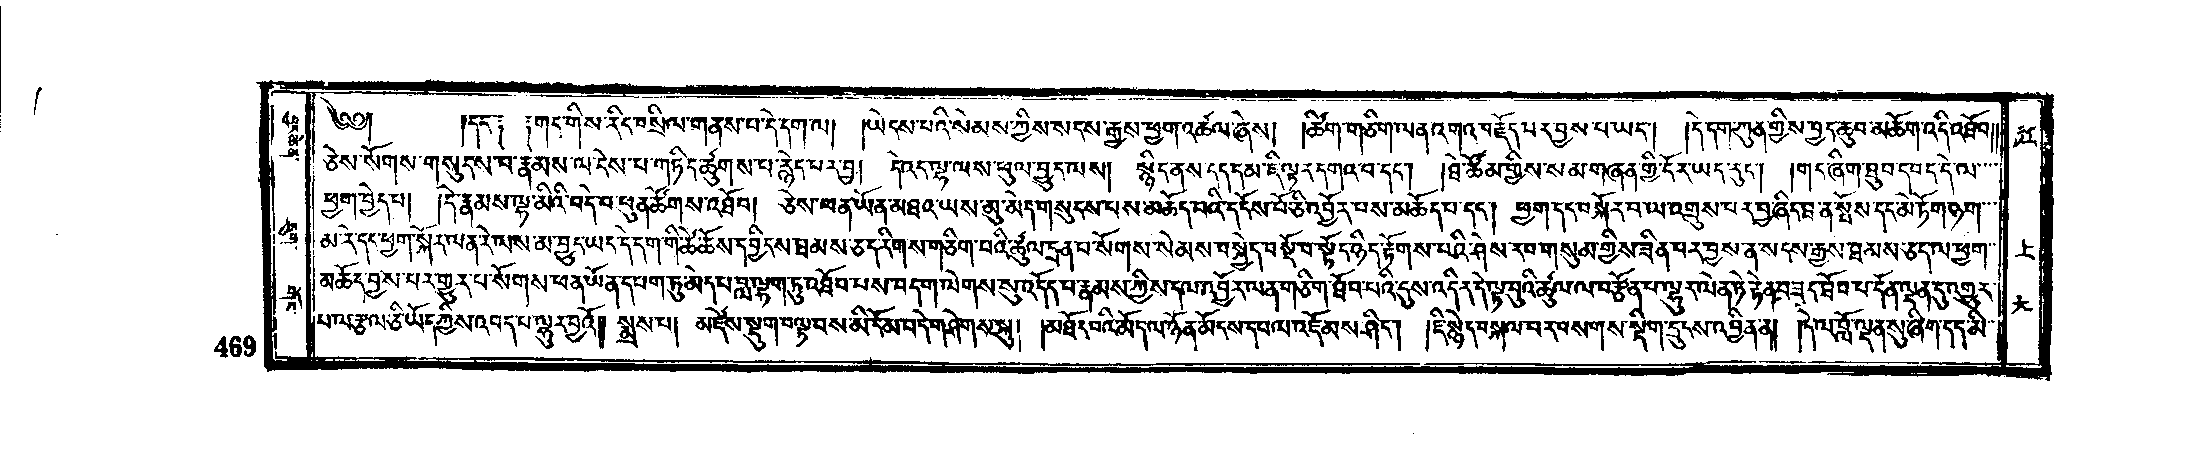༄༅། །དང༑ ༑གང་གིས་རིང་བསྲིལ་གནས་པ་དེ་དག་ལ། །ཡེངས་པའི་སེམས་ཀྱིས་སངས་རྒྱས་ཕྱག་འཚལ་ཞེས། །ཚིག་གཅིག་ལན་འགའ་བརྗོད་པར་བྱས་པ་ཡང་། །དེ་དག་ཀུན་གྱིས་བྱང་ཆུབ་མཆོག་འདི་འཐོབ།།
ཅེས་སོགས་གསུངས་པ་རྣམས་ལ་ངེས་པ་གཏིད་ཚུགས་པ་རྙེད་པར་བྱ། དེའང་ལྷ་ལས་ཕུལ་བྱུང་ལས། སྙིང་ནས་དད་དམ་ཇི་ལྟར་དགའ་བ་དང་། །ཐེ་ཚོམ་གྱིས་སམ་གཞན་གྱི་ངོར་ཡང?་རུང་། །གང་ཞིག་ཐུབ་དབང་དེ་ལ་
ཕྱག་བྱེད་པ། །དེ་རྣམས་ལྷ་མིའི་བདེ་བ་ཕུན་ཚོགས་འཐོབ། ཅེས་ཕན་ཡོན་མཐའ་ཡས་མུ་མེད་གསུངས་པས་མཆོད་པའི་དངོས་པོ་ཅི་འབྱོར་པས་མཆོད་པ་དང་། ཕྱག་དང་བསྐོར་བ་ལ་འགྲུས་པར་བྱ་ཞིང་ཐ་ན་སྤོས་དང་མེ་ཏོག་ཉག་
མ་རེ་དང་ཕྱག་སྐོར་ལན་རེ་ལས་མ་བྱུང་ཡང་དེ་དག་གི་ཚེ་ཆོས་དབྱིངས་ཐམས་ཅད་རིགས་གཅིག་པའི་ཚུལ་དྲན་པ་སོགས་སེམས་བསྐྱེད་བསྔོ་བ་སྟོང་ཉིད་རྟོགས་པའི་ཤེས་རབ་གསུམ་གྱིས་ཟིན་པར་བྱས་ན་སངས་རྒྱས་ཐམས་ཅད་ལ་ཕྱག་
མཆོད་བྱས་པར་གྱུར་པ་སོགས་ཕན་ཡོན་དཔག་ཏུ་མེད་པ་བླ་ལྷག་ཏུ་འཐོབ་པས་བདག་ལེགས་སུ་འདོད་པ་རྣམས་ཀྱིས་དལ་འབྱོར་ལན་གཅིག་ཐོབ་པའི་དུས་འདིར་དེ་ལྟ་བུའི་ཚུལ་ལ་བརྩོན་པ་ལྷུར་ལེན་ཏེ་རྟེན་བཟང་ཐོབ་པ་དོན་ལྡན་དུ་འགྱུར་
པ་ལ་རྩལ་ཅི་ཡོད་ཀྱིས་འབད་པ་ལྷུར་བྱའོ།། སྨྲས་པ། མཛེས་སྡུག་བལྟབས་མི་དོམ?་བདེ་གཤེགས་སྐུ། །མཐོང་བའི་མོད་ལ་ཉོན་མོངས་དཔལ་འཇོམས་ཤིང་། །ཇི་སྙེད་བསྐལ་བར་བསགས་སྡིག་དྲུངས་འབྱིན་ན། །དེ་ལ་བློ་ལྡན་སུ་ཞིག་དད་མི་